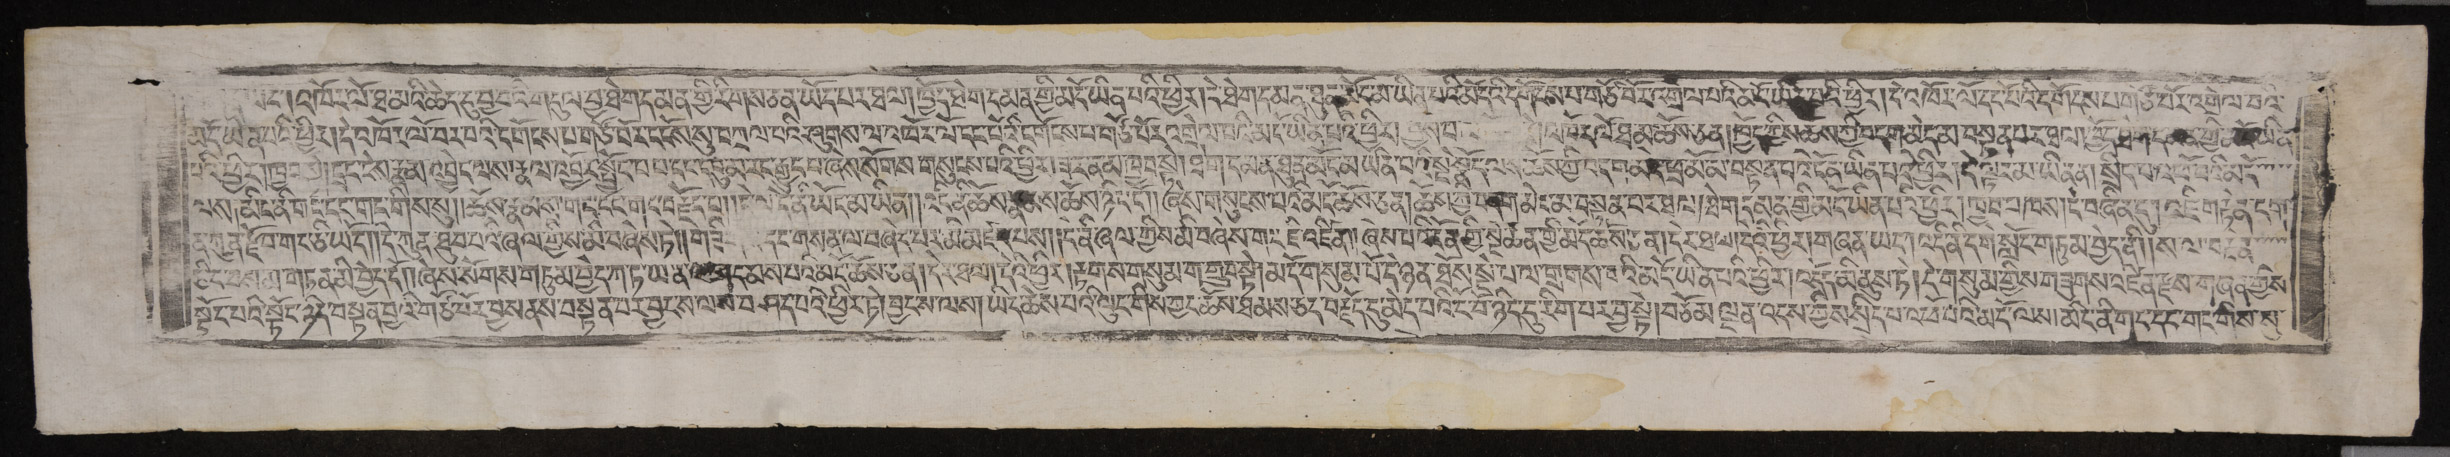གཞན་ཡང་། འཁོར་ལོ་ཐ་མའི་ཆེད་དུ་བྱ་བའི་གདུལ་བྱ་ཐེག་དམན་གྱི་རིགས་ཅན་ཡོད་པར་ཐལ། ཁྱོད་ཐེག་དམན་གྱི་མདོ་ཡིན་པའི་ཕྱིར། དེ་ཐེག་དམན་ཐུན་མོང་མ་ཡིན་པའི་མདོའི་དགོངས་པ་གཙོ་བོར་འགྲེལ་བའི་མདོ་ཡིན་པའི་ཕྱིར། དེ་འཁོར་ལོ་དང་པོའི་དགོངས་པ་གཙོ་བོར་འགྲེལ་བའི་
མདོ་ཡིན་པའི་ཕྱིར། དེ་འཁོར་ལོ་བར་པའི་དགོངས་པ་གཙོ་བོར་དངོས་སུ་བཀྲལ་པའི་ཤུགས་ལ་འཁོར་ལོ་དང་པོའི་དགོངས་པ་གཙོ་བོར་འགྲེལ་བའི་མདོ་ཡིན་པའི་ཕྱིར། བྱས་པ་ལ་ཁོ་ན་རེ། འཁོར་ལོ་ཐ་མ་ཆོས་ཅན། ཁྱོད་ཀྱིས་ཆོས་ཀྱི་བདག་མེད་མ་བསྟན་པར་ཐལ། ཁྱོད་ཐེག་དམན་གྱི་མདོ་ཡིན་
བའི་ཕྱིར། ཁྱབ་སྟེ། དྲང་ངེས་རྣམ་འབྱེད་ལས། རྣལ་འབྱོར་སྤྱོད་པ་པ་དང་དབུ་མ་རང་རྒྱུད་པ་ཞེས་སོགས་གསུངས་པའི་ཕྱིར། ཟེར་ན་མ་ཁྱབ་སྟེ། ཐེག་དམན་ཐུན་མོང་མ་ཡིན་པའི་སྡེ་སྣོད་ལས་ཆོས་ཀྱི་བདག་མེད་ཕྲ་མོ་མ་བསྟན་པའི་དོན་ཡིན་པའི་ཕྱིར། དེ་ལྟར་མ་ཡིན་ན། སྲིད་པ་འཕོ་བའི་མདོ་
ལས། མིང་ནི་གང་དང་གང་གིས་སུ། །ཆོས་རྣམས་གང་དང་གང་བརྗོད་པ། །དེ་ལ་དེ་ནི་ཡོད་མ་ཡིན། །འདི་ནི་ཆོས་རྣམས་ཆོས་ཉིད་དོ། །ཞེས་གསུངས་པའི་མདོ་ཆོས་ཅན། ཆོས་ཀྱི་བདག་མེད་མ་བསྟན་པར་ཐལ། ཐེག་དམན་གྱི་མདོ་ཡིན་པའི་ཕྱིར། ཁྱབ་པ་ཁས། དེ་བཞིན་དུ། འཇིག་རྟེན་དག་
ན་ཀུན་རྫོབ་གང་ཅི་ཡོད། །དེ་ཀུན་ཐུབ་པའི་ཞལ་གྱིས་མི་བཞེས་ཏེ། །གཟིགས་དང་གསན་ལ་བཞེད་པར་མི་མཛད་པས། །དེ་ནི་ཞལ་གྱིས་མི་བཞེས་གང་ཇི་འཛིན། །ཞེས་པའི་དོན་གྱི་སྡེ་ཚན་གྱི་མདོ་ཆོས་ཅན། དེར་ཐལ། དེའི་ཕྱིར། གཞན་ཡང་། འདི་ནི་དགེ་སློང་གཏུམ་བྱེད་ནི། །ས་ལ་བརྟེན་
ཅིང་བསམ་གཏན་མི་བྱེད་དོ། །ཞེས་སོགས་གཏུམ་བྱེད་ཀ་ཏ་ཡ་ན་ལ་གདམས་པའི་མདོ་ཆོས་ཅན། དེར་ཐལ། དེའི་ཕྱིར། རྟགས་གསུམ་ག་གྲུབ་སྟེ། མདོ་གསུམ་པོ་དེ་ཉན་ཐོས་སྡེ་པ་ལ་གྲགས་པའི་མདོ་ཡིན་པའི་ཕྱིར། འདོད་མི་ནུས་ཏེ། དེ་གསུམ་གྱིས་གཟུགས་འཛིན་རྫས་གཞན་གྱིས་
སྟོང་པའི་སྟོང་ཉིད་བསྟན་བྱའི་གཙོ་བོར་བྱས་ནས་བསྟན་པར་བྱང་ས་ལས་བཤད་པའི་ཕྱིར་ཏེ། བྱང་ས་ལས། ཡིད་ཆེས་པའི་ལུང་གིས་ཀྱང་ཆོས་ཐམས་ཅད་བརྗོད་དུ་མེད་པའི་ངོ་བོ་ཉིད་དུ་རིག་པར་བྱ་སྟེ། བཅོམ་ལྡན་འདས་ཀྱིས་སྲིད་པ་འཕོ་བའི་མདོ་ལས། མིང་ནི་གང་དང་གང་གིས་སུ།།